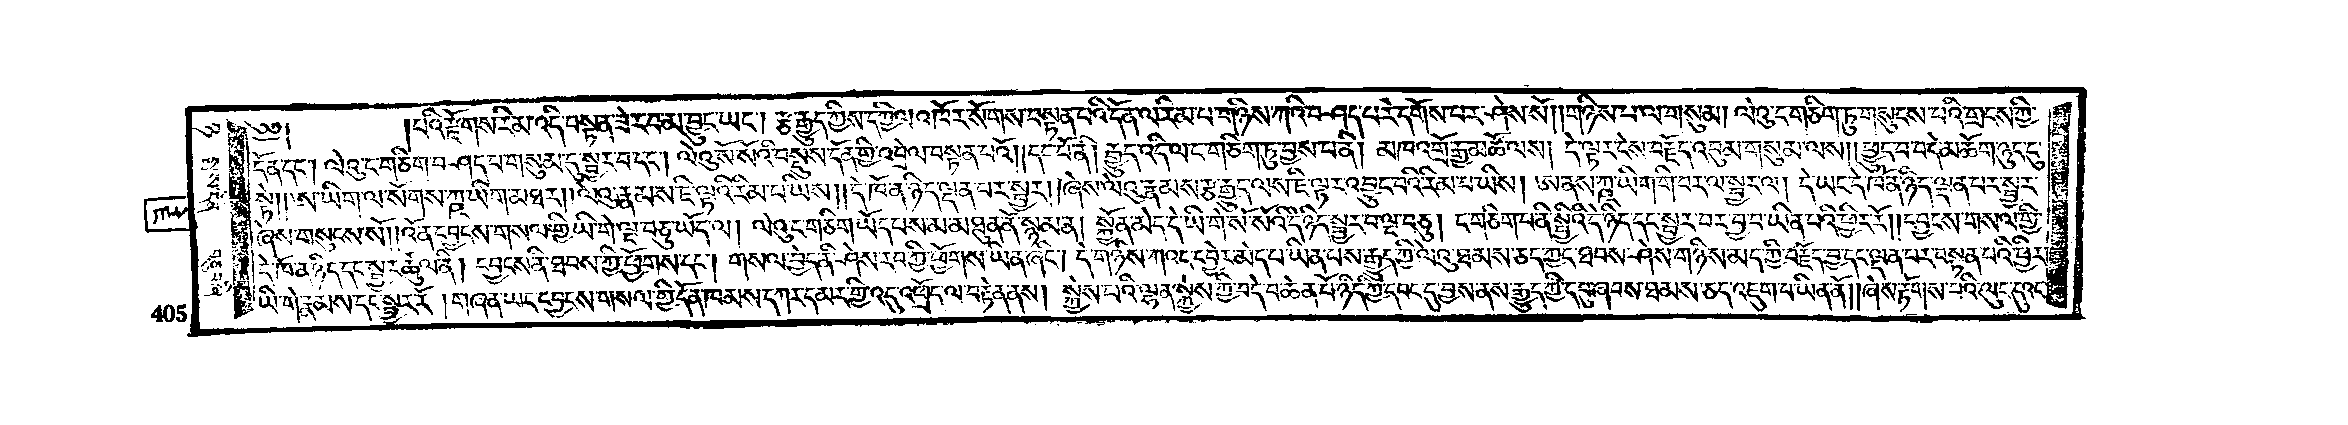༄༅། །པའི་རྫོགས་རིམ་འདི་བསྟན་ཟེར་བ་མ་བྱུང་ཡང་། རྩ་རྒྱུད་ཀྱིས་དཀྱིལ་འཁོར་སོགས་བསྟན་པའི་དོན་ལ་རིམ་པ་གཉིས་ཀའི་བཤད་པ་རེ་དགོས་པར་ཤེས་སོ། །གཉིས་པ་ལ་གསུམ། ལེའུ་ང་གཅིག་ཏུ་གསུངས་པའི་གྲངས་ཀྱི་
དོན་དང་། ལེའུ་ང་གཅིག་བཤད་པ་གསུམ་དུ་སྦྱར་བ་དང་། ལེའུ་སོ་སོའི་བསྡུས་དོན་གྱི་འབྲེལ་བསྟན་པའོ། །དང་པོ་ནི། རྒྱུད་འདི་ལ་ང་གཅིག་ཏུ་བྱས་པ་ནི། མཁའ་འགྲོ་རྒྱ་མཚོ་ལས། དེ་ལྟར་ངེས་བརྗོད་འབུམ་གསུམ་ལས། །ཕྱུང་བ་བདེ་མཆོག་ཉུང་ངུ་
སྟེ། །ཨ་ཡིག་ལ་སོགས་ཀྵ་ཡིག་མཐར། །ལེའུ་རྣམས་ཇི་ལྟའི་རིམ་པ་ཡིས། །དེ་ཁོ་ན་ཉིད་ལྡན་པར་སྦྱར། །ཞེས་ལེའུ་རྣམས་རྩ་རྒྱུད་ལས་ཇི་ལྟར་འབྱུང་བའི་རིམ་པ་ཡིས། ཨ་ནས་ཀྵ་ཡིག་གི་བར་ལ་སྦྱར་ལ། དེ་ཡང་དེ་ཁོ་ན་ཉིད་ལྡན་པར་སྦྱར་
ཞེས་གསུངས་སོ། །འོ་ན་དབྱངས་གསལ་གྱི་ཡི་གེ་ལྔ་བཅུ་ཡོད་ལ། ལེའུ་ང་གཅིག་ཡོད་པས་མ་མཐུན་ནོ་སྙམ་ན། སྐྱོན་མེད་དེ་ཡི་གེ་སོ་སོའི་དེ་ཉིད་སྦྱར་བ་ལྔ་བཅུ། ང་གཅིག་པ་ནི་སྤྱིའི་དེ་ཉིད་དང་སྦྱར་བར་བྱ་བ་ཡིན་པའི་ཕྱིར་རོ། །དབྱངས་གསལ་གྱི་
དེ་ཁོ་ན་ཉིད་དང་སྦྱར་ཚུལ་ནི། དབྱངས་ནི་ཐབས་ཀྱི་ཕྱོགས་དང་། གསལ་བྱེད་ནི་ཤེས་རབ་ཀྱི་ཕྱོགས་ཡིན་ཞིང་། དེ་གཉིས་ཀའང་དབྱེར་མེད་པ་ཡིན་པས་རྒྱུད་ཀྱི་ལེའུ་ཐམས་ཅད་ཀྱང་ཐབས་ཤེས་གཉིས་མེད་ཀྱི་བརྗོད་བྱ་དང་ལྡན་པར་བསྟན་པའི་ཕྱིར་
ཡི་གེ་རྣམས་དང་སྦྱར་རོ། །གཞན་ཡང་དབྱངས་གསལ་གྱི་དོན་ཁམས་དཀར་དམར་གྱི་འདུ་འཕྲོད་ལ་བརྟེན་ནས། སྐྱེས་པའི་ལྷན་སྐྱེས་ཀྱི་བདེ་བ་ཆེན་པོ་ཉིད་ཀྱི་དབང་དུ་བྱས་ནས་རྒྱུད་ཀྱི་དབུ་ཞབས་ཐམས་ཅད་འཇུག་པ་ཡིན་ནོ། །ཞེས་རྟོགས་པའི་ལུང་དུའང་